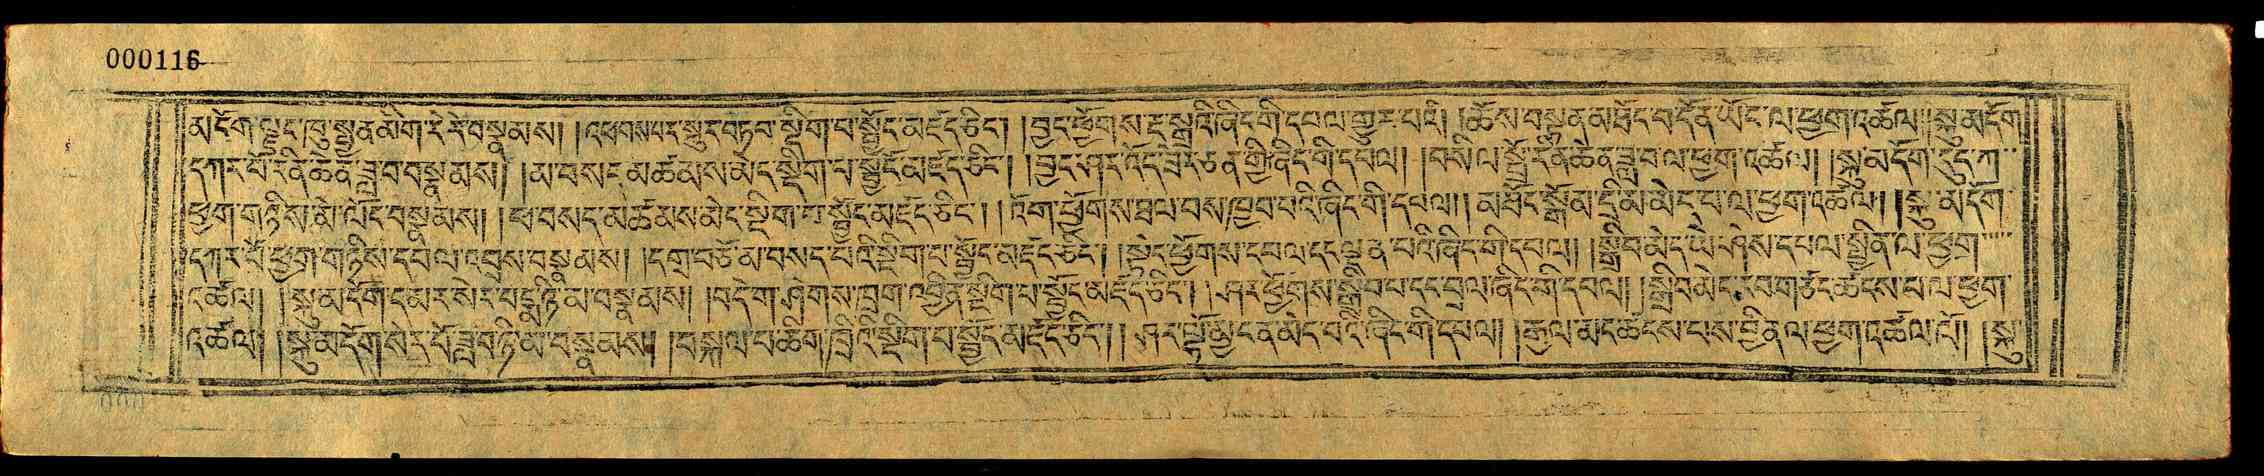མདོག་ལྗང་ཁུ་སྤྱན་མིག་རེ་རེ་བསྣམས། །འཕགས་པར་སྐུར་བཏབ་སྡིག་པ་སྦྱོང་མཛད་ཅིང་། །བྱང་ཕྱོགས་རྔ་སྒྲའི་ཞིང་གི་དཔལ་གྱུར་པའི། །ཆོས་བསྟན་མཐོང་བ་དོན་ཡོད་ལ་ཕྱག་འཚལ། །སྐུ་མདོག་
དཀར་པོ་རིན་ཆེན་ཟླ་བ་བསྣམས། །མ་བསད་མཚམས་མེད་སྡིག་པ་སྦྱོང་མཛད་ཅིང་། །བྱང་ཤར་འོད་ཟེར་ཅན་གྱི་ཞིང་གི་དཔལ། །བསིལ་སྤྲོ་རིན་ཆེན་ཟླ་བ་ལ་ཕྱག་འཚལ། །སྐུ་མདོག་དུང་ཀ་
ཕྱག་གཉིས་མེ་ལོང་བསྣམས། །ཕ་བསད་མཚམས་མེད་སྡིག་པ་སྦྱོང་མཛད་ཅིང་། །འོག་ཕྱོགས་ཐལ་བས་ཁྱབ་པའི་ཞིང་གི་དཔལ། །མཐོང་སྒོམ་དྲི་མ་མེད་པ་ལ་ཕྱག་འཚལ། །སྐུ་མདོག་
དཀར་པོ་ཕྱག་གཉིས་དཔལ་འབྲས་བསྣམས། །དགྲ་བཅོམ་བསད་པའི་སྡིག་པ་སྦྱོང་མཛད་ཅིང་། །སྟེང་ཕྱོགས་དཔལ་དང་ལྡན་པའི་ཞིང་གི་དཔལ། །སྒྲིབ་མེད་ཡེ་ཤེས་དཔལ་སྦྱིན་ལ་ཕྱག་
འཚལ། །སྐུ་མདོག་དམར་སེར་པདམ་ཉི་མ་བསྣམས། །བདེ་གཤེགས་ཁྲག་འབྱིན་སྡིག་པ་སྦྱོང་མཛད་ཅིང་། །ཤར་ཕྱོགས་སྒྲིབ་པ་དང་བྲལ་ཞིང་གི་དཔལ། །སྒྲིབ་མེད་རབ་གཙང་ཚངས་པ་ལ་ཕྱག་
འཚལ། །སྐུ་མདོག་སེར་པོ་ཟླ་བ་ཉི་མ་བསྣམས། །བསྐལ་བ་ཆིག་ཁྲིའི་སྡིག་པ་སྦྱོང་མཛད་ཅིང།།ཤར་ལྷོ་མྱ་ངན་མེད་པའི་ཞིང་གི་དཔལ། །རྒྱལ་མང་ཚངས་པས་བྱིན་ལ་ཕྱག་འཚལ་ལོ། །སྐུ་